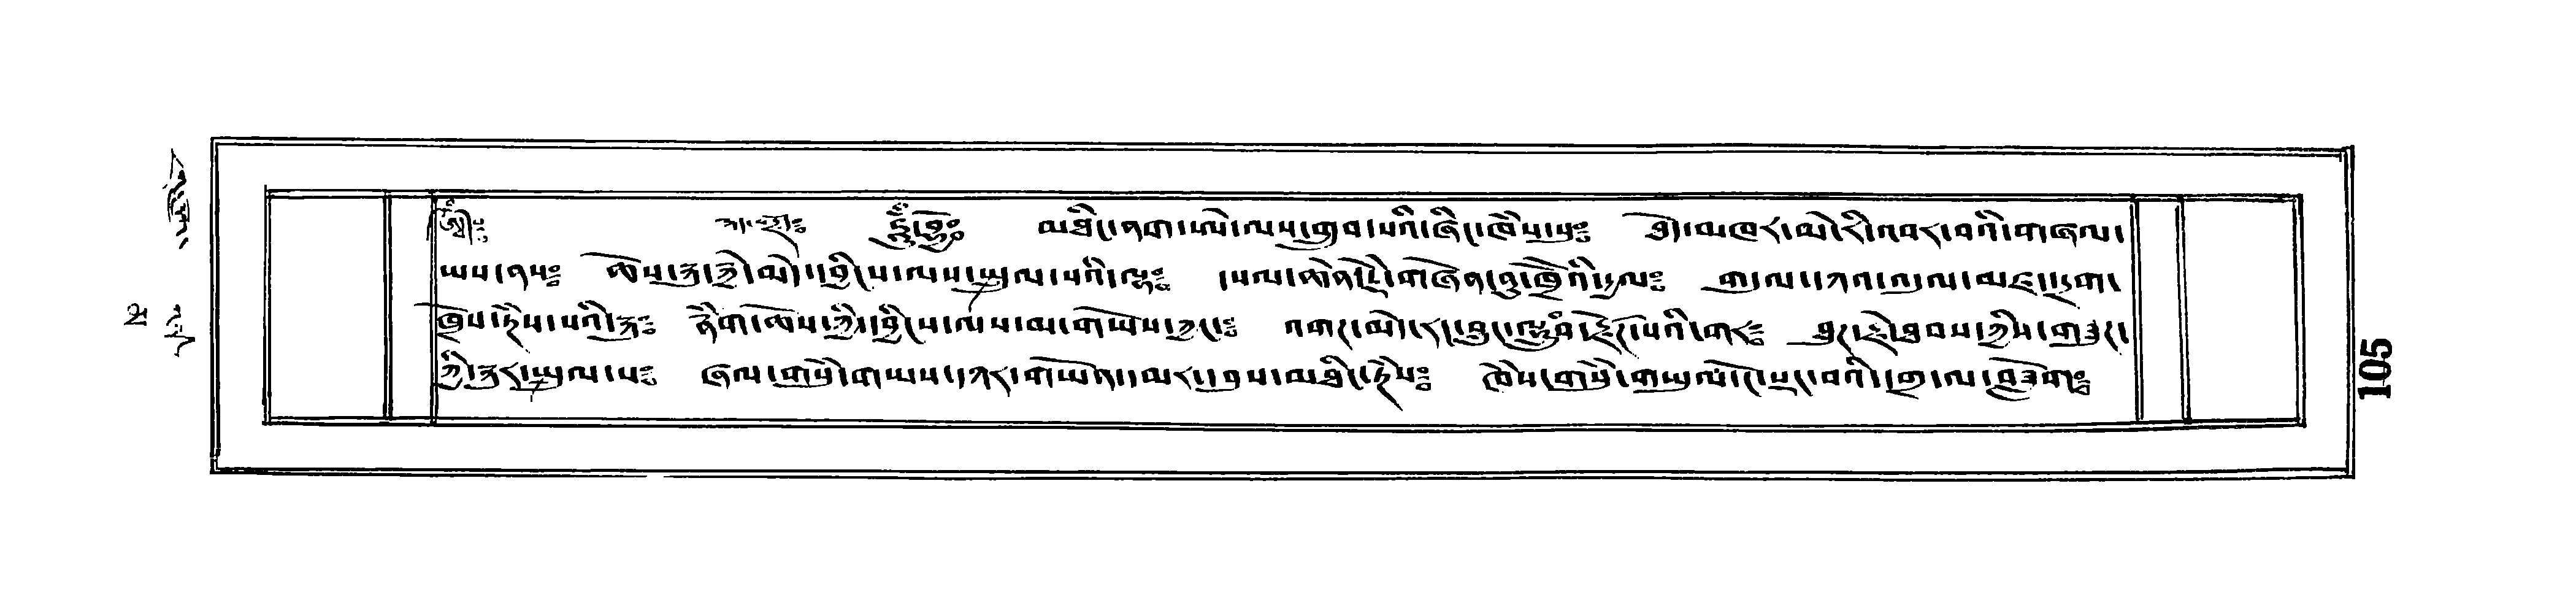སྐད་བརྗོད༔ ཧཱུྃ་བྷྱོཿ མཐིང་ནག་ཨེ་ལས་གྲུབ་པའི་ཞིང་ཁམས་སུ༔ ཐོད་མཁར་མེ་རི་འབར་བའི་གཞལ་
ཡས་ནས༔ ཆོས་སྐུ་སྐྱེ་མེད་དབྱིངས་ལས་སྤྲུལ་པའི་ལྷ༔ དཔལ་ཆེན་རྡོ་རྗེ་གཞོན་ནུ་ཁྲོ་བོའི་རྒྱལ༔ གདུལ་དཀའ་འདུལ་མཛད་དྲག་
ཁྲོས་རྔམས་པའི་སྐུ༔ རྣམ་དག་ཆོས་ཀྱི་དབྱིངས་ལས་མ་གཡོས་ཀྱང༔ འགགས་མེད་རང་བྱུང་ལྷུན་གྲུབ་རྫོགས་པའི་གར༔ ཐུགས་རྗེ་ཐབས་ཀྱིས་གཟུགས་
ཀྱི་སྐུར་སྤྲུལ་པ༔ ཞལ་གསུམ་གཡས་དཀར་གཡོན་དམར་དབུས་མཐིང་རྔམས༔ ཁམས་གསུམ་གཡུལ་ངོ་སྡང་བའི་དགྲ་ལ་བཟློག༔